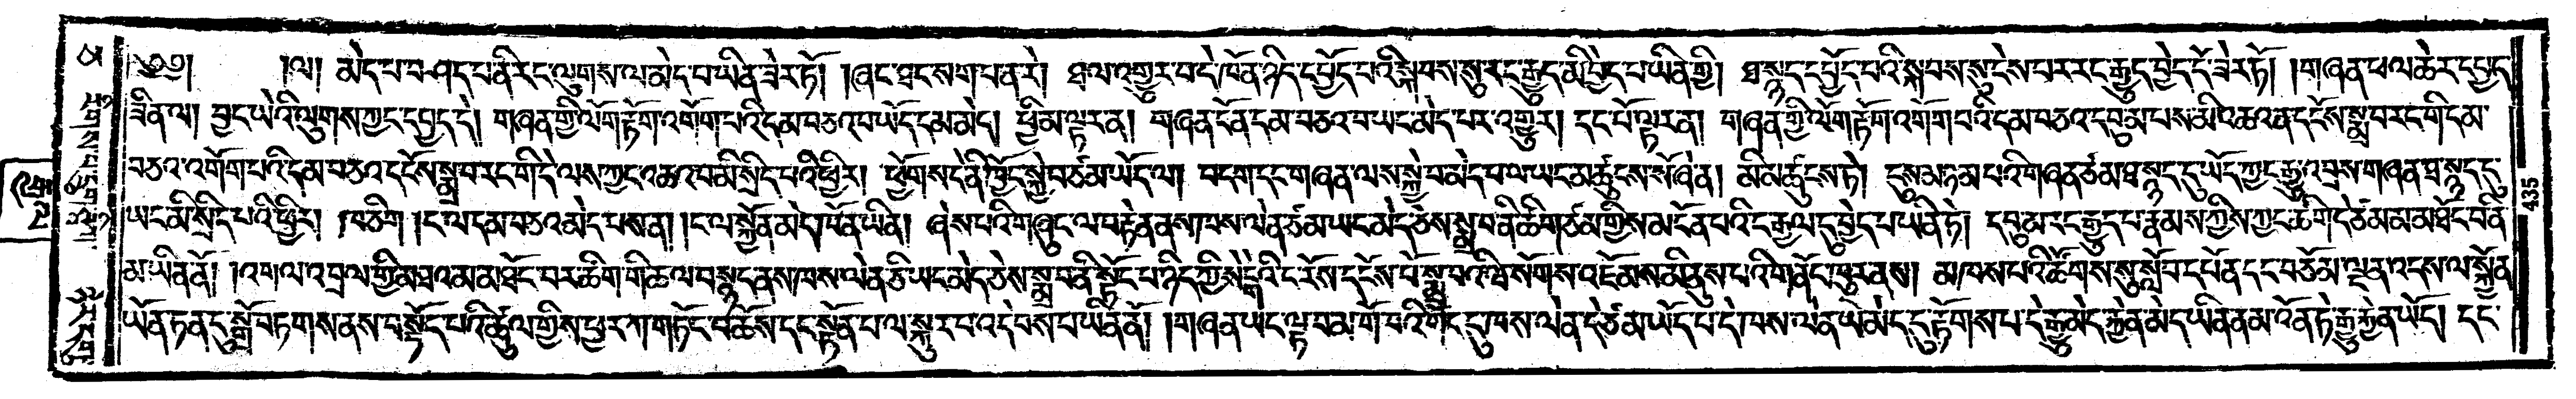༄༅། །ལ། མེད་པ་བཤད་པ་ནི་རང་ལུགས་ལ་མེད་པ་ཡིན་ཟེར་ཏོ། །ཞང་ཐང་སག་པ་ན་རེ། ཐལ་འགྱུར་བ་དེ་ཁོ་ན་ཉིད་དཔྱོད་པའི་སྐབས་སུ་རང་རྒྱུད་མི་བྱེད་པ་ཡིན་གྱི། ཐ་སྙད་དཔྱོད་པའི་སྐབས་སུ་ངེས་པར་རང་རྒྱུད་བྱེད་དོ་ཟེར་ཏོ། །གཞན་ཕལ་ཆེར་དཔྱད་
ཟིན་ལ། བྱང་ཡེའི་ལུགས་ཀྱང་དཔྱད་དེ། གཞན་གྱི་ལོག་རྟོག་འགོག་པའི་དམ་བཅའ་བ་ཡོད་དམ་མེད། ཕྱི་མ་ལྟར་ན། གཞན་དོན་དམ་བཅའ་བ་ཡང་མེད་པར་འགྱུར། དང་པོ་ལྟར་ན། གཞན་གྱི་ལོག་རྟོག་འགོག་པའི་དམ་བཅའ་དབུ་མ་པས་མི་འཆའ་ན་དངོས་སྨྲ་བ་རང་གི་དམ་
བཅའ་འགོག་པའི་དམ་བཅའ་དངོས་སྨྲ་བ་རང་གི་དེ་ལས་ཀྱང་འཆའ་བ་མི་སྲིད་པའི་ཕྱིར། ཕྱོགས་དེ་ནི་ཁྱོད་སྐྱེ་བ་ཙམ་ཡོད་ལ། བདག་དང་གཞན་ལས་སྐྱེ་བ་མེད་པ་ལ་ཡང་མཚུངས་སོ་ཞེ་ན། མི་མཚུངས་ཏེ། དུས་མཉམ་པའི་གཞན་ཙམ་ཐ་སྙད་དུ་ཡོད་ཀྱང་རྒྱུ་འབྲས་གཞན་ཐ་སྙད་དུ་
ཡང་མི་སྲིད་པའི་ཕྱིར། ཁ་ཅིག །ང་ལ་དམ་བཅའ་མེད་པས་ན། །ང་ལ་སྐྱོན་མེད་ཁོ་ན་ཡིན། ཞེས་པའི་གཞུང་ལ་བརྟེན་ནས་ཁས་ལེན་ཙམ་ཡང་མེད་ཅེས་སྨྲ་བ་ནི་ཚིག་ཙམ་གྱིས་མངོན་པའི་ང་རྒྱལ་དུ་བྱེད་པ་ཡིན་ཏེ། དབུ་མ་རང་རྒྱུད་པ་རྣམས་ཀྱིས་ཀྱང་ཚིག་དེ་ཙམ་མ་མཐོང་བ་ནི་
མ་ཡིན་ནོ། །འགལ་འབྲལ་གྱི་མཐའ་མ་མཐོང་བར་ཚིག་གི་ཆ་ལ་བསྙད་ནས་ཁས་ལེན་ཅི་ཡང་མེད་ཅེས་སྨྲ་བ་ནི་སྟོང་པ་ཉིད་ཀྱི་སེངྒེའི་ང་རོས་དངོས་པོ་སྨྲ་བའི་ཝ་སོགས་འཇོམས་མི་ནུས་པའི་གནོད་ཁུར་ནས། མཁས་པའི་ཚོགས་སུ་སློབ་དཔོན་དང་བཅོམ་ལྡན་འདས་ལ་སྐྱོན་
ཡོན་ཏན་དུ་སྒྲོ་བཏགས་ནས་བསྟོད་པའི་ཚུལ་གྱིས་ཕྱར་ཀ་གཏོང་བ་ཆོས་དང་སྟོན་པ་ལ་སྐུར་བ་འདེབས་པ་ཡིན་ནོ། །གཞན་ཡང་ལྟ་བ་མ་གོ་བའི་གོང་དུ་ཁས་ལེན་དེ་ཙམ་ཡོད་པ་དེ་ཁས་ལེན་ཡེ་མེད་དུ་རྟོགས་པ་དེ་རྒྱུ་མེད་རྐྱེན་མེད་ཡིན་ནམ་འོན་ཏེ་རྒྱུ་རྐྱེན་ཡོད། དང་